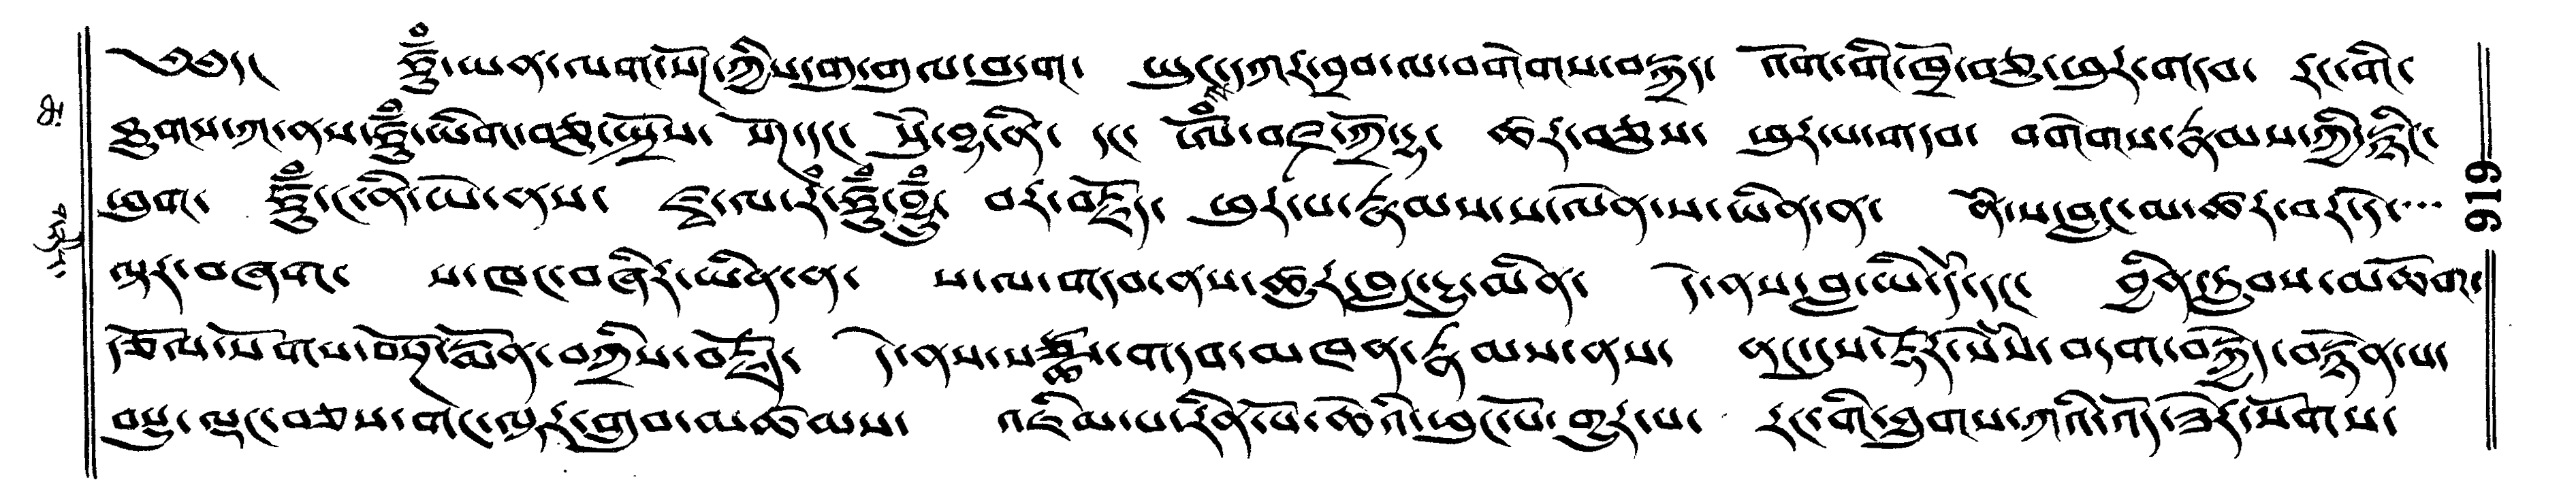ཧཱུྃ༔ཡན་ལག་སོགས་ཀྱིས་གུ་གུལ་བདུག ཡུངས་དཀར་བྲབ་ལ་བགེགས་བསྐྲད། འོག་གི་ཁྲོ་བཅུ་ཕུར་གདབ། རང་གི་
ཐུགས་ཀ་ནས་ཧཱུྃ་ཡིག་བཅུ་སྤྲོས༴ སོགས་དང་། སུམ་བྷ་ནི༴ དང་། ཨོཾ་བཛྲ་ཀྲོ་དྷ༴ ཚར་བཅུས། ཕུར་པ་གདབ། བགེགས་རྣམས་ཀྱི་སྙིང་
ཕུག ཧཱུྃ་ང་ནི་ཡེ་ནས། ཛྭ་ལ་རྃ་ཧཱུྃ་བྷྲུྃ༔ བར་བརྗོད། ཕུར་པ་རྣམས་ས་ལེན་ས་ཡིན་ན། ནམ་ས་བླང་མ་ཚར་བར་དེ་
ལྟར་བཞག ས་ཁང་གཞིར་ཡིན་ན། ས་ལ་གདབ་ནས་ཚུར་བླང་རྒྱུ་མིན། དེ་ནས། བླ་མ་ཡི་དམ༴ དང་། བྱིན་རླབས་མཆོག་
སྩོལ༴ སོགས་བསྔོ་སྨོན་བཀྲ་ཤིས་བརྗོད། དེ་ནས་སཙྪ་གདབ་མཁན་རྣམས་ནས། ནང་དུས་རྡོར་སེམས་བདག་བསྐྱེད་བསྙེན་པ་
བསྡུ་ལྡང་བཅས་གོང་ལྟར་གྲུབ་མཚམས། འཇིམ་པ་རིན་པོ་ཆེའི་ཕུང་པོ་གྱུར་པ། རང་གི་ཐུགས་ཀའི་འོད་ཟེར༴ སོགས་